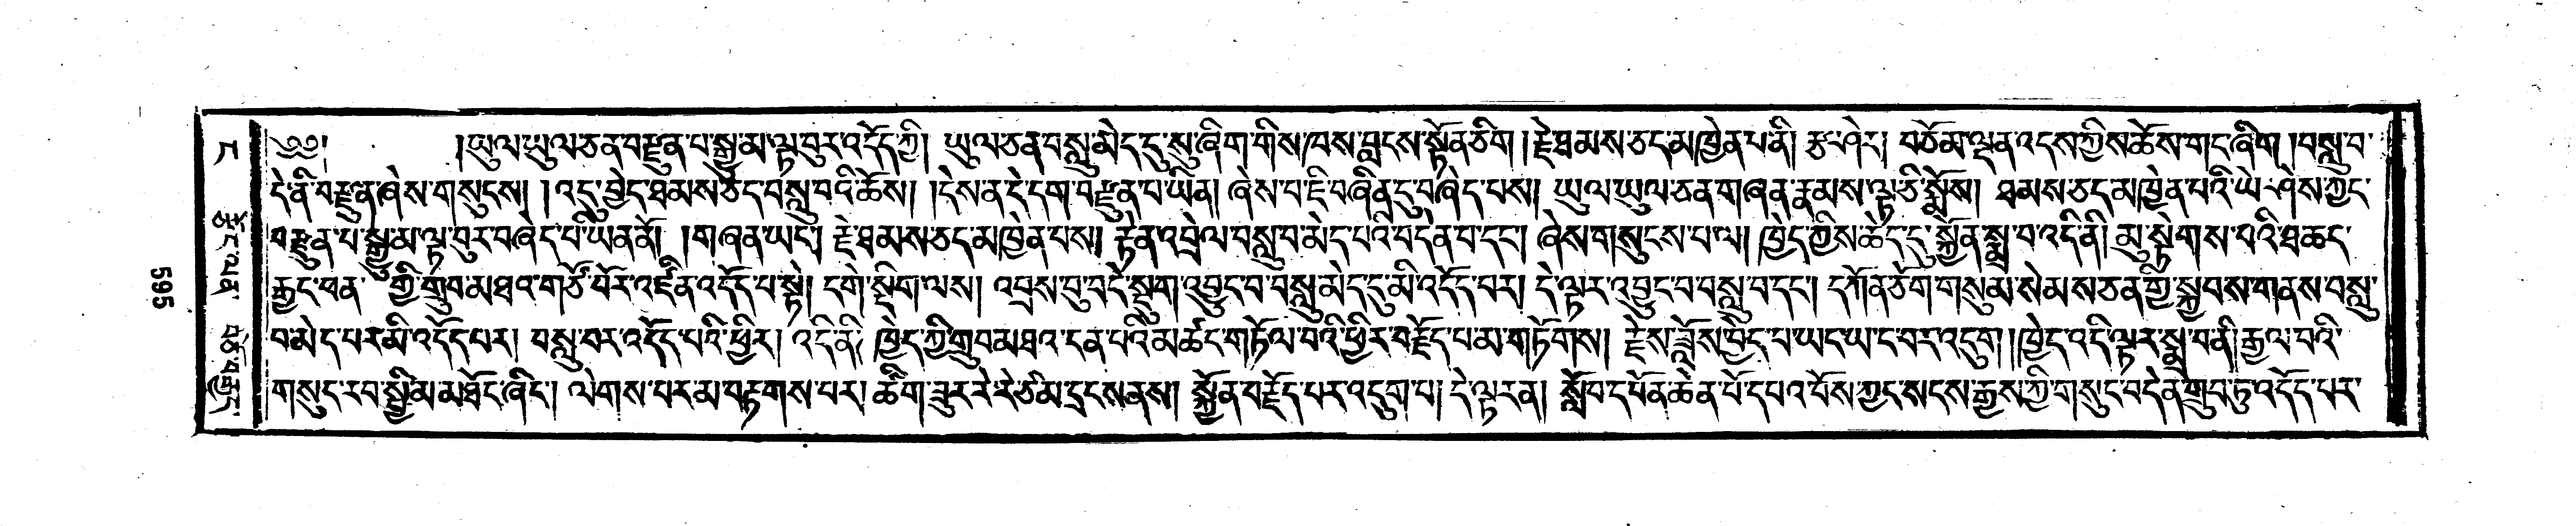༄༅། །ཡུལ་ཡུལ་ཅན་བརྫུན་པ་སྒྱུ་མ་ལྟ་བུར་འདོད་ཀྱི། ཡུལ་ཅན་བསླུ་མེད་དུ་སུ་ཞིག་གིས་ཁས་བླངས་སྟོན་ཅིག །རྗེ་ཐམས་ཅད་མཁྱེན་པ་ནི། རྩ་ཤེར། བཅོམ་ལྡན་འདས་ཀྱིས་ཆོས་གང་ཞིག །བསླུ་བ་
དེ་ནི་བརྫུན་ཞེས་གསུངས། །འདུ་བྱེད་ཐམས་ཅད་བསླུ་བའི་ཆོས། །དེས་ན་དེ་དག་བརྫུན་པ་ཡིན། ཞེས་པ་ཇི་བཞིན་དུ་བཞེད་པས། ཡུལ་ཡུལ་ཅན་གཞན་རྣམས་ལྟ་ཅི་སྨོས། ཐམས་ཅད་མཁྱེན་པའི་ཡེ་ཤེས་ཀྱང་
བརྫུན་པ་སྒྱུ་མ་ལྟ་བུར་བཞེད་པ་ཡིན་ནོ། །གཞན་ཡང་། རྗེ་ཐམས་ཅད་མཁྱེན་པས། རྟེན་འབྲེལ་བསླུ་བ་མེད་པའི་བདེན་པ་དང་། ཞེས་གསུངས་པ་ལ། ཁྱེད་ཀྱིས་ཆེད་དུ་སྐྱོན་སྨྲ་བ་འདི་ནི། མུ་སྟེགས་པའི་ཐ་ཆད་
རྒྱང་ཕན་གྱི་གྲུབ་མཐའ་གཙོ་བོར་འཛིན་འདོད་པ་སྟེ། དགེ་སྡིག་ལས། འབྲས་བུ་བདེ་སྡུག་འབྱུང་བ་བསླུ་མེད་དུ་མི་འདོད་པར། དེ་ལྟར་འབྱུང་བ་བསླུ་བ་དང་། དཀོན་ཅོག་གསུམ་སེམས་ཅན་གྱི་སྐྱབས་གནས་བསླུ་
བ་མེད་པར་མི་འདོད་པར། བསླུ་བར་འདོད་པའི་ཕྱིར། འདི་ནི། ཁྱེད་ཀྱི་གྲུབ་མཐའ་ངན་པའི་མཚང་གཏོལ་བའི་ཕྱིར་བརྗོད་པ་མ་གཏོགས། རྗེས་ཟློས་བྱེད་པ་ཡང་ཡ་ང་བར་འདུག །ཁྱེད་འདི་ལྟར་སྨྲ་བ་ནི། རྒྱལ་བའི་
གསུང་རབ་སྤྱི་མ་མཐོང་ཞིང་། ལེགས་པར་མ་བརྟགས་པར། ཚིག་ཟུར་རེ་རེ་ཙམ་དྲངས་ནས། སྐྱོན་བརྗོད་པར་འདུག་པ། དེ་ལྟར་ན། སློབ་དཔོན་ཆེན་པོ་དཔའ་བོས་ཀྱང་སངས་རྒྱས་ཀྱི་གསུང་བདེན་གྲུབ་ཏུ་འདོད་པར་